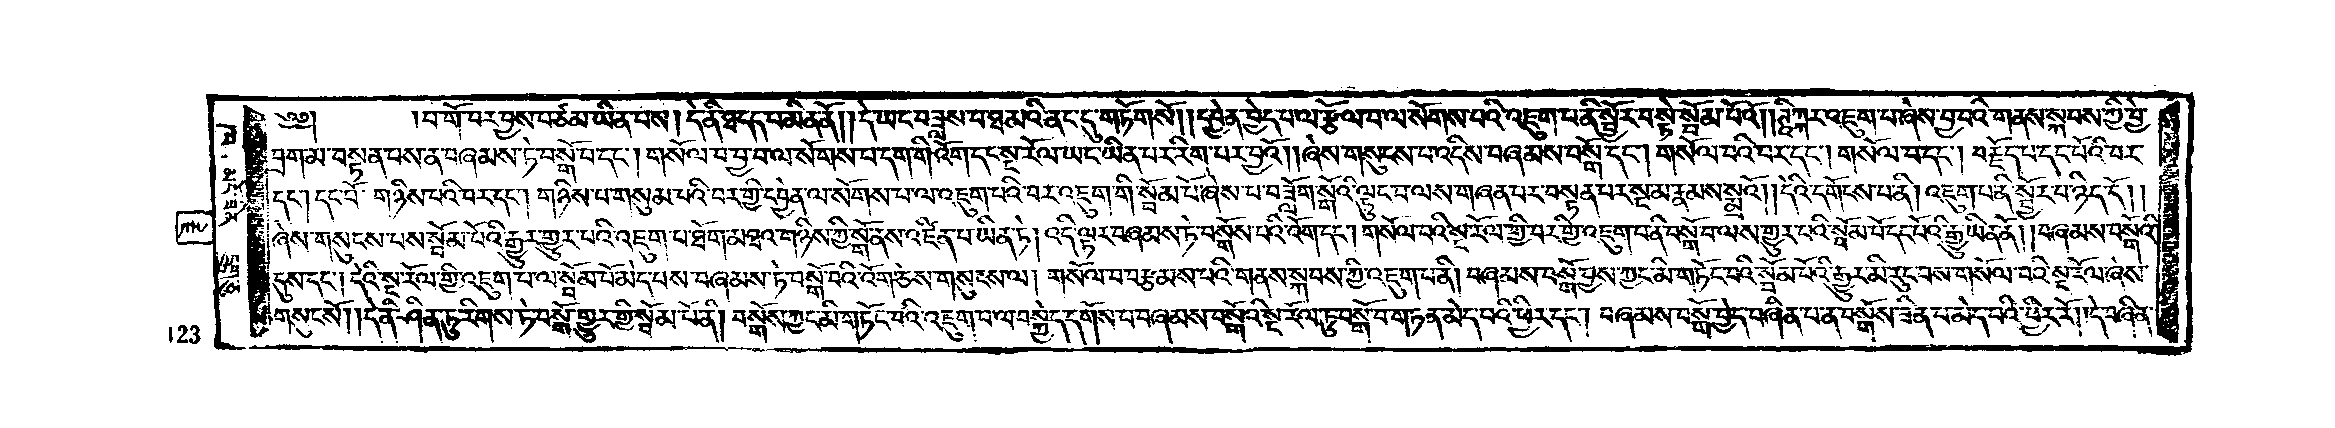༄༅། །བ་གོ་བར་བྱས་པ་ཙམ་ཡིན་པས། དེ་ནི་ཐ་དད་པ་མིན་ནོ། །དེ་ཡང་བཟླས་པ་ཐ་མའི་ནང་དུ་གཏོགས་སོ། །དབྱེན་བྱེད་པ་ལ་རྩོལ་བ་ལ་སོགས་པའི་འཇུག་པ་ནི་སྦྱོར་བ་སྟེ་སྦོམ་པོའོ། །ཊཱིཀྐར་འཇུག་པ་ཞེས་བྱ་བའི་གནས་སྐབས་ཀྱི་བྱེ་
བྲག་མ་བསྟན་པས་ན་བཞམས་ཏེ་བསྒོ་བ་དང་། གསོལ་བ་བྱ་བ་ལ་སོགས་པ་དག་གི་འོག་དང་སྔ་རོལ་ཡང་ཡིན་པར་རིག་པར་བྱའོ། །ཞེས་གསུངས་པ་འདིས་བཞམས་བསྒོ་དང་། གསོལ་བའི་བར་དང་། གསོལ་བ་དང་། བརྗོད་པ་དང་པོའི་བར་
དང་། དང་པོ་གཉིས་པའི་བར་དང་། གཉིས་པ་གསུམ་པའི་བར་གྱི་དབྱེན་ལ་སོགས་པ་ལ་འཇུག་པའི་བར་འཇུག་གི་སྦོམ་པོ་ཞེས་པ་བཟློག་སྒོའི་ལྟུང་བ་ལས་གཞན་པར་བསྟན་པར་སྔ་མ་རྣམས་སྨྲའོ། །དེའི་དགོངས་པ་ནི། འཇུག་པ་ནི་སྦྱོར་བ་ཉིད་དོ། །
ཞེས་གསུངས་པས་སྦོམ་པོའི་རྒྱུར་གྱུར་པའི་འཇུག་པ་ཐོག་མཐའ་གཉིས་ཀྱི་སྒོ་ནས་འཛིན་པ་ཡིན་ཏེ། འདི་ལྟར་བཞམས་ཏེ་བསྒོས་པའི་འོག་དང་། གསོལ་བའི་སྔ་རོལ་གྱི་བར་གྱི་འཇུག་པ་ནི་བསྒོ་པ་ལས་གྱུར་པའི་སྦོམ་པོ་དང་པོའི་རྒྱུ་ཡིན་ནོ། །བཞམས་བསྒོའི་
དུས་དང་། དེའི་སྔ་རོལ་གྱི་འཇུག་པ་ལ་སྦོམ་པོ་མེད་པས་བཞམས་ཏེ་བསྒོ་བའི་འོག་ཅེས་གསུངས་ལ། གསོལ་བ་བརྩམས་པའི་གནས་སྐབས་ཀྱི་འཇུག་པ་ནི། བཞམས་བསྒོ་བྱས་ཀྱང་མི་གཏོང་བའི་སྦོམ་པོའི་རྒྱུར་མི་རུང་བས་གསོལ་བའི་སྔ་རོལ་ཞེས་
གསུངས་སོ། །དེ་ནི་ཤིན་ཏུ་རིགས་ཏེ་བསྒོ་གྱུར་ཀྱི་སྦོམ་པོ་ནི། བསྒོས་ཀྱང་མི་གཏོང་བའི་འཇུག་པ་ལ་བསྐྱེད་དགོས་པ་བཞམས་བསྒོའི་སྔ་རོལ་ཏུ་བསྒོ་བ་གཏན་མེད་པའི་ཕྱིར་དང་། བཞམས་བསྒོ་བྱེད་བཞིན་པ་ན་བསྒོས་ཟིན་པ་མེད་པའི་ཕྱིར་རོ། །དེ་བཞིན་